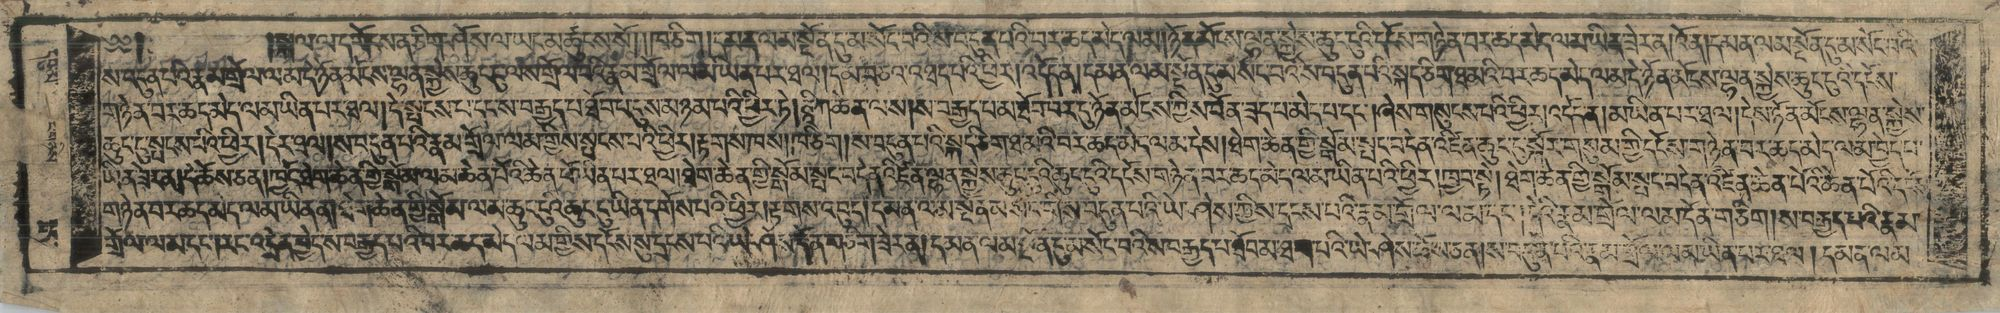༄༅། །སྐལ་ལ་དགོངས་ན་ཅིག་ཤོས་ལ་ཡང་མཚུངས་སོ། །ཁ་ཅིག །དམན་ལམ་སྔོན་དུ་མ་སོང་བའི་ས་བདུན་པའི་བར་ཆད་མེད་ལམ། ཉོན་མོངས་ལྷན་སྐྱེས་ཆུང་ངུའི་དངོས་གཉེན་བར་ཆད་མེད་ལམ་ཡིན་ཟེར་ན། འོ་ན། དམན་ལམ་སྔོན་དུ་མ་སོང་བའི་
ས་བདུན་པའི་རྣམ་གྲོལ་ལམ་དེ་ཉོན་མོངས་ལྷན་སྐྱེས་ཆུང་ངུ་ལས་གྲོལ་བའི་རྣམ་གྲོལ་ལམ་ཡིན་པར་ཐལ། དམ་བཅའ་འཐད་པའི་ཕྱིར། འདོད་ན། དམན་ལམ་སྔོན་དུ་མ་སོང་བའི་ས་བདུན་པའི་སྐད་ཅིག་ཐ་མའི་བར་ཆད་མེད་ལམ་དེ་ཉོན་མོངས་ལྷན་སྐྱེས་ཆུང་ངུའི་དངོས་
གཉེན་བར་ཆད་མེད་ལམ་ཡིན་པར་ཐལ། དེ་སྤངས་པ་དང་ས་བརྒྱད་པ་ཐོབ་པ་དུས་མཉམ་པའི་ཕྱིར་ཏེ། ཊཱིཀཆེན་ལས། ས་བརྒྱད་པ་མ་ཐོབ་པར་དུ་ཉོན་མོངས་ཀྱི་ས་བོན་ཟད་པ་མེད་པ་དང་། ཞེས་གསུངས་པའི་ཕྱིར། འདོད་ན། མ་ཡིན་པར་ཐལ། དེས་ཉོན་མོངས་ལྷན་སྐྱེས་
ཆུང་ངུ་སྤངས་པའི་ཕྱིར། དེར་ཐལ། ས་བདུན་པའི་རྣམ་གྲོལ་ལམ་གྱིས་སྤངས་པའི་ཕྱིར། རྟགས་ཁས། ཁ་ཅིག ། ས་བདུན་པའི་སྐད་ཅིག་ཐ་མའི་བར་ཆད་མེད་ལམ་དེས། ཐེག་ཆེན་གྱི་སྒོམ་སྤང་བདེན་འཛིན་ཆུང་ངུ་སྐོར་གསུམ་གྱི་དངོས་གཉེན་བར་ཆད་མེད་ལམ་བྱེད་པ་
ཡིན་ཟེར་ན། དེ་ཆོས་ཅན། ཁྱོད་ཐེག་ཆེན་གྱི་སྒོམ་ལམ་ཆེན་པོའི་ཆེན་པོ་ཡིན་པར་ཐལ། ཐེག་ཆེན་གྱི་སྒོམ་སྤང་བདེན་འཛིན་ལྷན་སྐྱེས་ཆུང་ངུའི་ཆུང་ངུའི་དངོས་གཉེན་བར་ཆད་མེད་ལམ་ཡིན་པའི་ཕྱིར། ཁྱབ་སྟེ། ཐེག་ཆེན་གྱི་སྒོམ་སྤང་བདེན་འཛིན་ཆེན་པོའི་ཆེན་པོའི་དངོས་
གཉེན་བར་ཆད་མེད་ལམ་ཡིན་ན། ཐེག་ཆེན་གྱི་སྒོམ་ལམ་ཆུང་ངུའི་ཆུང་ངུ་ཡིན་དགོས་པའི་ཕྱིར། རྟགས་འབུད། དམན་ལམ་སྔོན་མ་སོང་གིས་བདུན་པའི་ཡེ་ཤེས་ཀྱིས་དྲངས་པའི་རྣམ་གྲོལ་ལམ་དང་། དེའི་རྣམ་གྲོལ་ལམ་དོན་གཅིག ། ས་བརྒྱད་པའི་རྣམ་
གྲོལ་ལམ་དང་། རང་འདྲེན་བྱེད་ས་བརྒྱད་པའི་བར་ཆད་མེད་ལམ་གྱིས་དངོས་སུ་དྲངས་པའི་ཡེ་ཤེས་དོན་གཅིག་ཟེར་ན། དམན་ལམ་སྔོན་དུ་མ་སོང་བའི་ས་བརྒྱད་པ་ཐོག་མ་ཐག་པའི་ཡེ་ཤེས་ཆོས་ཅན། ས་བདུན་པའི་རྣམ་གྲོལ་ལམ་ཡིན་པར་ཐལ། དམན་ལམ་